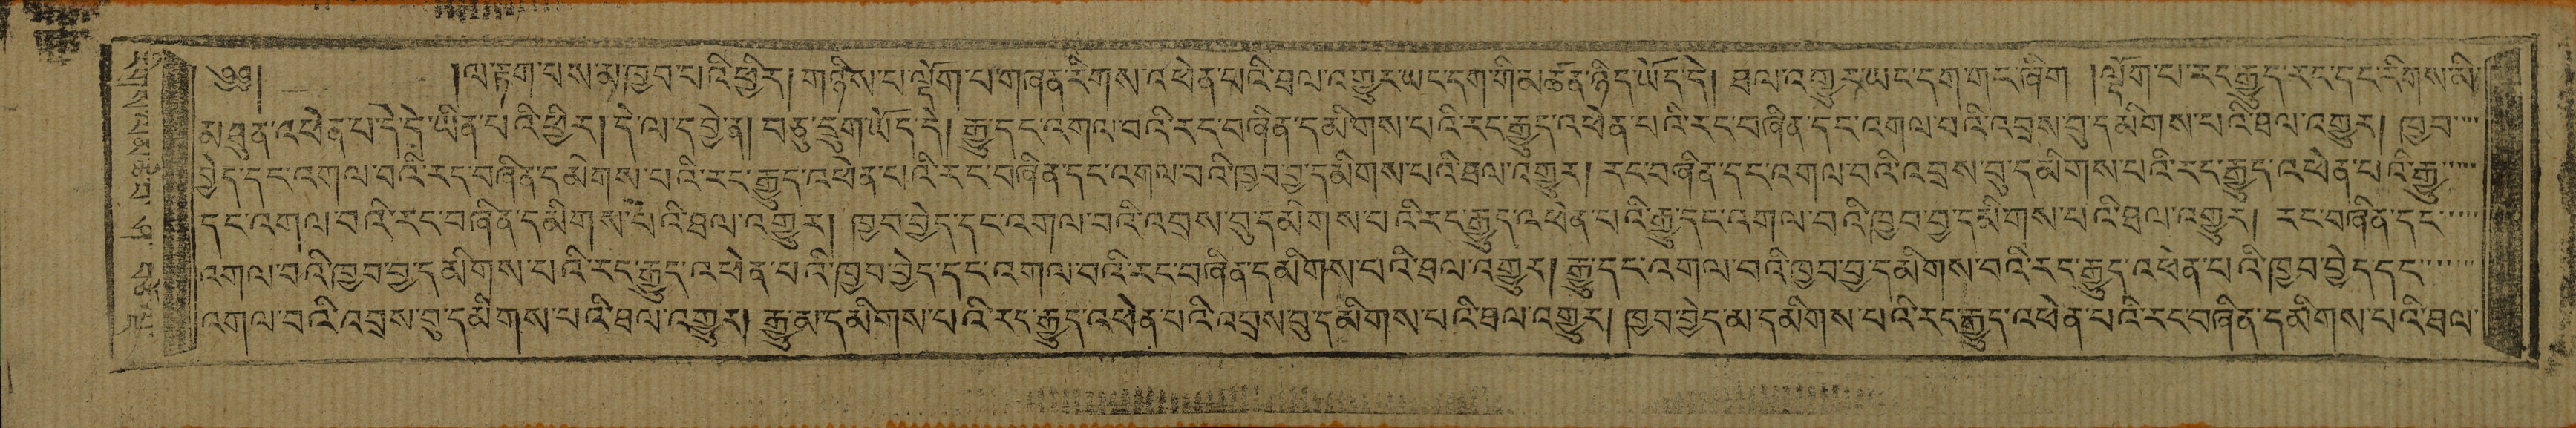༄༅། །ལ་རྟག་པས་མ་ཁྱབ་པའི་ཕྱིར། གཉིས་པ་ལྡོག་པ་གཞན་རིགས་འཕེན་པའི་ཐལ་འགྱུར་ཡང་དག་གི་མཚན་ཉིད་ཡོད་དེ། ཐལ་འགྱུར་ཡང་དག་གང་ཞིག །ལྡོག་པ་རང་རྒྱུད་རང་དང་རིགས་མི་
མཐུན་འཕེན་པ་དེ་དེ་ཡིན་པའི་ཕྱིར། དེ་ལ་དབྱེ་ན། བཅུ་དྲུག་ཡོད་དེ། རྒྱུ་དང་འགལ་བའི་རང་བཞིན་དམིགས་པའི་རང་རྒྱུད་འཕེན་པའི་རང་བཞིན་དང་འགལ་བའི་འབྲས་བུ་དམིགས་པའི་ཐལ་འགྱུར། ཁྱབ་
བྱེད་དང་འགལ་བའི་རང་བཞིན་དམིགས་པའི་རང་རྒྱུད་འཕེན་པའི་རང་བཞིན་དང་འགལ་བའི་ཁྱབ་བྱ་དམིགས་པའི་ཐལ་འགྱུར། རང་བཞིན་དང་འགལ་བའི་འབྲས་བུ་དམིགས་པའི་རང་རྒྱུད་འཕེན་པའི་རྒྱུ་
དང་འགལ་བའི་རང་བཞིན་དམིགས་པའི་ཐལ་འགྱུར། ཁྱབ་བྱེད་དང་འགལ་བའི་འབྲས་བུ་དམིགས་པའི་རང་རྒྱུད་འཕེན་པའི་རྒྱུ་དང་འགལ་བའི་ཁྱབ་བྱ་དམིགས་པའི་ཐལ་འགྱུར། རང་བཞིན་དང་
འགལ་བའི་ཁྱབ་བྱ་དམིགས་པའི་རང་རྒྱུད་འཕེན་པའི་ཁྱབ་བྱེད་དང་འགལ་བའི་རང་བཞིན་དམིགས་པའི་ཐལ་འགྱུར། རྒྱུ་དང་འགལ་བའི་ཁྱབ་བྱ་དམིགས་པའི་རང་རྒྱུད་འཕེན་པའི་ཁྱབ་བྱེད་དང་
འགལ་བའི་འབྲས་བུ་དམིགས་པའི་ཐལ་འགྱུར། རྒྱུ་མ་དམིགས་པའི་རང་རྒྱུད་འཕེན་པའི་འབྲས་བུ་དམིགས་པའི་ཐལ་འགྱུར། ཁྱབ་བྱེད་མ་དམིགས་པའི་རང་རྒྱུད་འཕེན་པའི་རང་བཞིན་དམིགས་པའི་ཐལ་